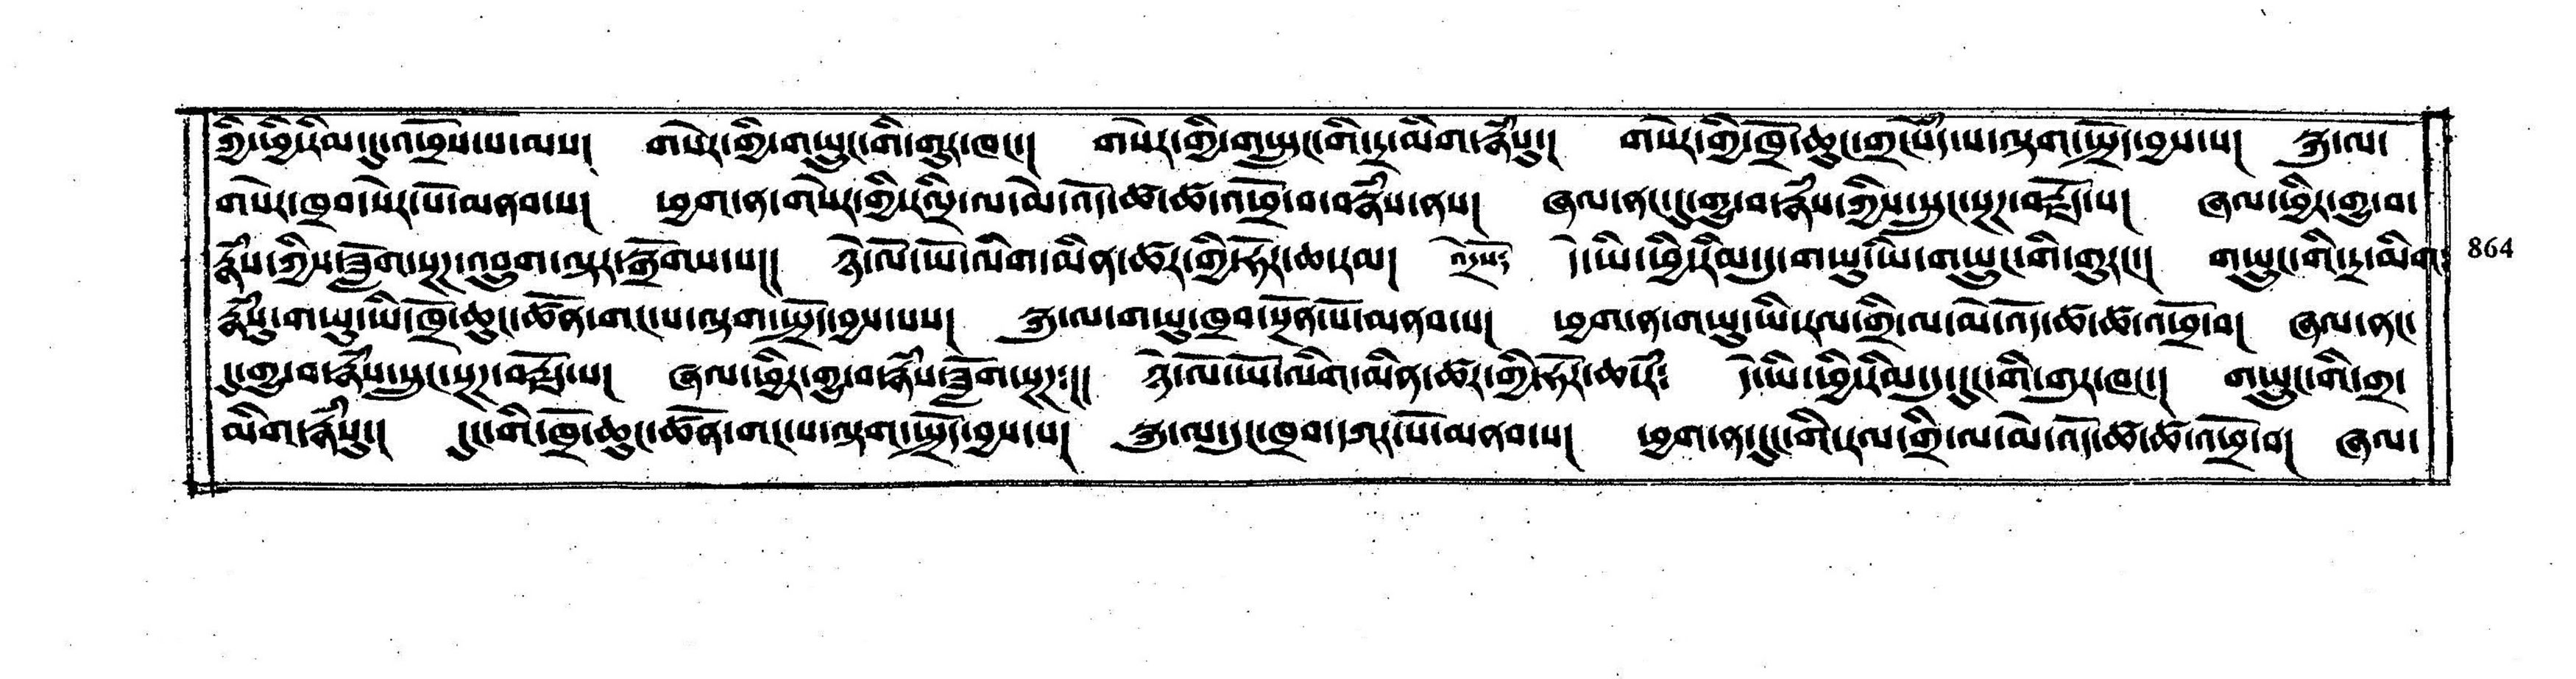ཀྱི་ཕྱི་རིམ་དུ་འཕྲོས་པ་ལས། གསེར་གྱི་གཡུང་དྲུང་གི་གུར་ཁང་། གསེར་གྱི་གཡུང་དྲུང་གི་དྲ་མིག་རྣམས་སུ། གསེར་གྱི་ཁྲོ་ཆུང་གྲངས་མེད་པ་ལྟག་སྤྲོད་བྱས་པ། སྐུ་ལ་
གསེར་ཁྲབ་སེར་པོ་མནབ་པ། ཕྱག་ན་གསེར་གྱི་རལ་གྲི་ལ་མེ་འོད་ཚ་ཚ་འཕྲོ་བ་བསྣམས་ནས། ཞལ་ནང་དུ་གྱུ་བ་རྣམས་ཀྱིས་སྲུང་སྔགས་བརྗོད་པ། ཞལ་ཕྱིར་གྱུ་བ་
རྣམས་ཀྱིས་ཟློག་སྔགས་འབྲུག་ལྟར་སྒྲོགས་པ།། ཉེ་ལོ་ཡོ་ལིག་མིན་ཚར་གྱི་ཧོར་ཆ་རམ། འདྲེས་སོ། དེ་ཡི་ཕྱི་རིམ་དུ་གཡུ་ཡི་གཡུང་དྲུང་གི་གུར་ཁང་། གཡུང་དྲུང་གི་དྲ་མིག་
རྣམས་སུ་གཡུ་ཡི་ཁྲོ་ཆུང་ཚོན་གང་བ་ལྟག་སྤྲོད་བྱས་པས། སྐུ་ལ་གཡུ་ཁྲབ་སྔོན་པོ་མནབ་པ། ཕྱག་ན་གཡུ་ཡི་རལ་གྲི་ལ་མེ་འོད་ཚ་ཚ་འཕྲོ་བ། ཞལ་ནང་
དུ་གྱུ་བ་རྣམས་སྲུང་སྔགས་བརྗོད་པ། ཞལ་ཕྱིར་གྱུ་བ་རྣམས་ཟློག་སྔགས༴།། ཉེ་ལོ་ཡོ་ལིག་མིན་ཚར་གྱི་ཧོར་ཆ་རཾ༴ དེ་ཡི་ཕྱི་རིམ་དུ་དུང་གི་གུར་ཁང་། གཡུང་དྲུང་གི་གྲ་
མིག་རྣམས་སུ། དུང་གི་ཁྲོ་ཆུང་ཚོན་གང་བ་ལྟག་སྤྲོད་བྱས་པ། སྐུ་ལ་དུང་ཁྲབ་དཀར་པོ་མནབ་པ། ཕྱག་ན་དུང་གི་རལ་གྲི་ལ་མེ་འོད་ཚ་ཚ་འཕྲོ་བ། ཞལ་